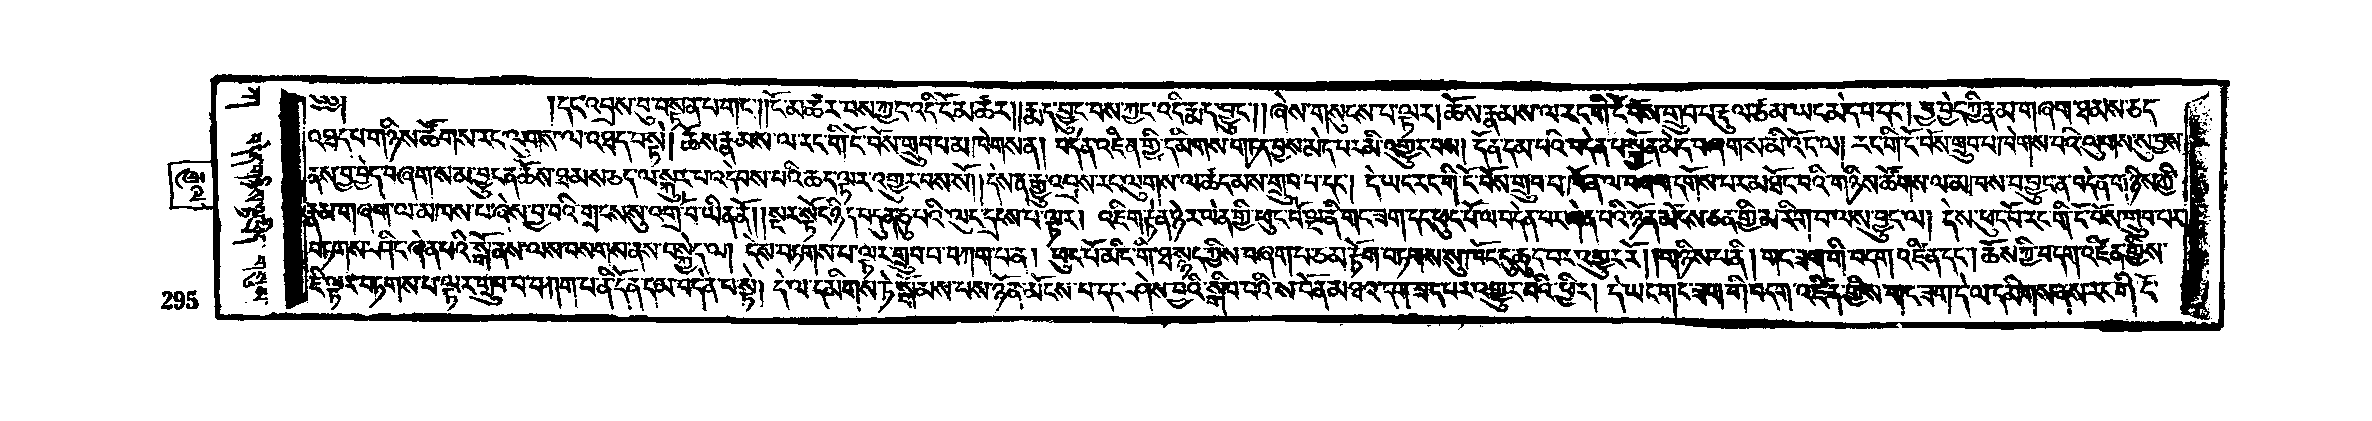༄༅། །དང་འབྲས་བུ་བསྟན་པ་གང་། །ངོ་མཚར་བས་ཀྱང་འདི་ངོ་མཚར། །རྨད་བྱུང་བས་ཀྱང་འདི་རྨད་བྱུང་། །ཞེས་གསུངས་པ་ལྟར། ཆོས་རྣམས་ལ་རང་གི་ངོ་བོས་གྲུབ་པ་རྡུལ་ཙམ་ཡང་མེད་པ་དང་། བྱ་བྱེད་ཀྱི་རྣམ་གཞག་ཐམས་ཅད་
འཐད་པ་གཉིས་ཚོགས་རང་ལུགས་ལ་འཐད་པ་སྟེ། ཆོས་རྣམས་ལ་རང་གི་ངོ་བོས་གྲུབ་པ་མ་ཁེགས་ན། བདེན་འཛིན་གྱི་དམིགས་གཏད་བྱས་མེད་པར་མི་འགྱུར་བས། དོན་དམ་པའི་བདེན་པ་སྐྱོན་མེད་བཞག་ས་མི་འོང་ལ། རང་གི་ངོ་བོས་གྲུབ་པ་ཁེགས་པའི་ལུགས་སུ་བྱས་
ནས་བྱ་བྱེད་བཞགས་མ་བྱུང་ན་ཆོས་ཐམས་ཅད་ལ་སྐུར་བ་འདེབས་པའི་ཆད་ལྟར་འགྱུར་བས་སོ། །དེས་ན་རྒྱུ་འབྲས་རང་ལུགས་ལ་ཚད་མས་གྲུབ་པ་དང་། དེ་ཡང་རང་གི་ངོ་བོས་གྲུབ་པ་ཁོ་ན་ལ་བཞག་དགོས་པར་མཐོང་བའི་གཉིས་ཚོགས་ལ་མཁས་པ་བྱུང་ན་བདེན་གཉིས་ཀྱི་
རྣམ་གཞག་ལ་མཁས་པ་ཞེས་བྱ་བའི་གྲངས་སུ་འགྲོ་བ་ཡིན་ནོ། །སྔར་སྟོང་ཉིད་བདུན་ཅུ་པའི་ལུང་དྲངས་པ་ལྟར། འཇིག་རྟེན་ཉེར་ལེན་གྱི་ཕུང་པོ་ལྔ་ནི་གང་ཟག་དང་ཕུང་པོ་ལ་བདེན་པར་ཞེན་པའི་ཉོན་མོངས་ཅན་གྱི་མ་རིག་པ་ལས་བྱུང་ལ། དེས་ཕུང་པོ་རང་གི་ངོ་བོས་གྲུབ་པར་
བཏགས་ཤིང་ཞེན་པའི་སྒོ་ནས་ལས་བསགས་ནས་བསྐྱེད་ལ། དེས་བཏགས་པ་ལྟར་གྲུབ་པ་བཀག་པ་ན། ཕུང་པོ་མིང་གི་ཐ་སྙད་ཀྱིས་བཞག་པ་ཙམ་རྟོག་བཏགས་སུ་ཁོང་དུ་ཆུད་པར་འགྱུར་རོ། །གཉིས་པ་ནི། །གང་ཟག་གི་བདག་འཛིན་དང་། ཆོས་ཀྱི་བདག་འཛིན་གྱིས་
ཇི་ལྟར་བཏགས་པ་ལྟར་གྲུབ་པ་བཀག་པ་ནི་དོན་དམ་བདེན་པ་སྟེ། དེ་ལ་དམིགས་ཏེ་སྒོམས་པས་ཉོན་མོངས་པ་དང་ཤེས་བྱའི་སྒྲིབ་པའི་ས་བོན་མཐའ་དག་ཟད་པར་འགྱུར་བའི་ཕྱིར། དེ་ཡང་གང་ཟག་གི་བདག་འཛིན་གྱིས་གང་ཟག་དེ་ལ་དམིགས་ནས་རང་གི་ངོ་